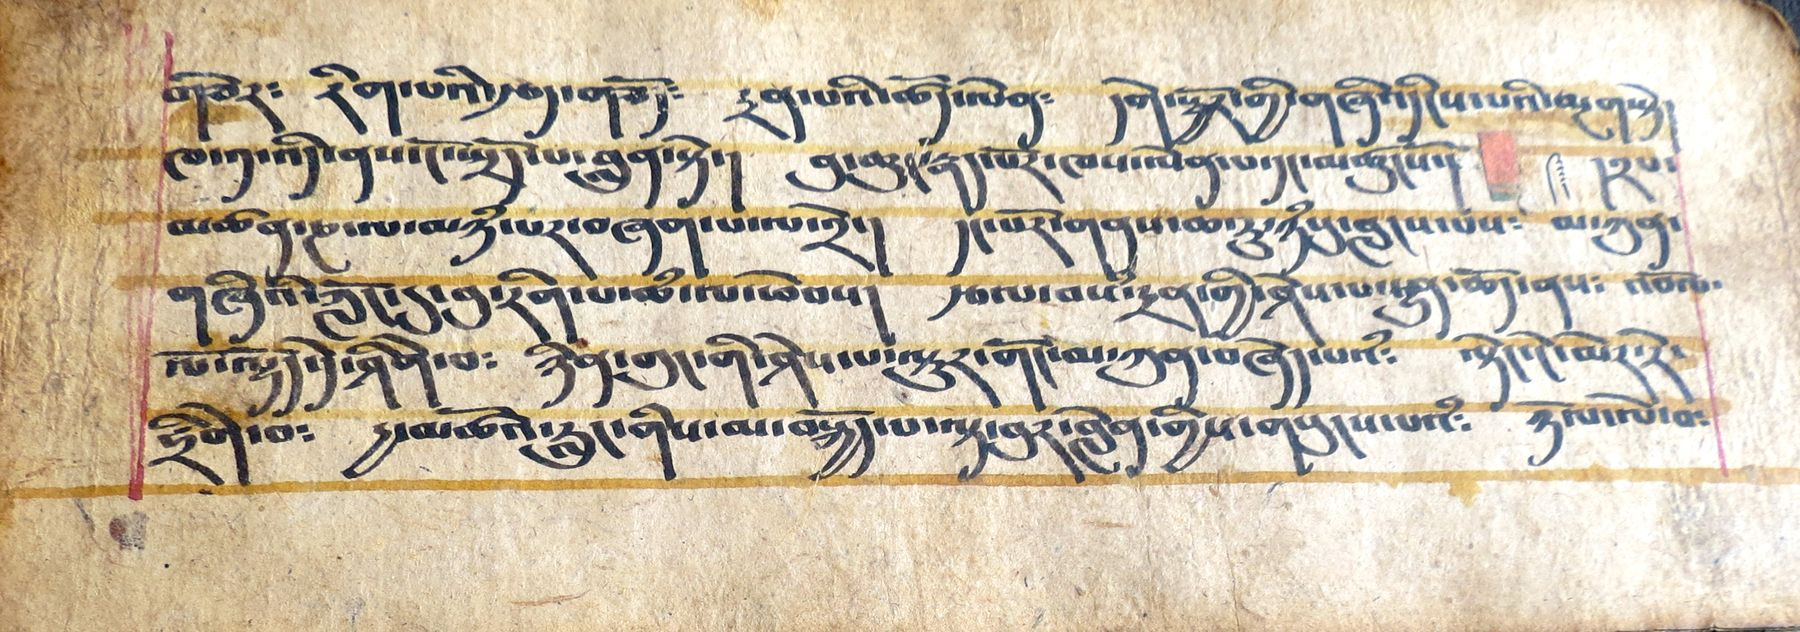གཅོད། རིག་པའི་རྩད་གཅོད་། དྲན་པའི་ཚོད་ལེན། དགེ་སྦྱོར་གྱི་གཞི་འདིངས་པའི་མན་ངག་སྟེ། 
ཁ་ཅིག་འདི་ནས་ངོ་སྤྲོད་པ་བླུན་ཏེ། བུ་ཆུང་རྒད་པོར་ཁས་ལེན་པ་དང་མཚུངས་སོ། ། གཉིས་པ་
མཚན་མེད་ལ་མཉམ་པར་བཞག་པ་ལ་གཉིས་སྟེ། དང་པོ་གནས་ཆ་རུ་ཉམས་སུ་བླངས་པས། མ་ཀུན་
གཞིའི་ཀློང་དུ་བུ་རིག་པ་ཆ་ལ་ཕོག། རྩལ་བསམ་དྲན་གྱི་ཤེས་པ་རྒྱུན་ཆོད་ནས། འབོལ་
ལེ་ལྷོད་དེ་ཤིག་གེ་བ། ཉིན་གོང་གི་ཤེས་པ་ལྟ་བུར་གོང་མ་ཀུན་གྱིས་བཞེད་པའམ། ལྡིང་ངེ་མེར་རེ་
ཧྲིག་གེ་བ། རྒྱ་མཚོ་རླུང་གིས་མ་བསྐྱོད་པ་ལྟ་བུར་བླ་ཆེན་གྱིས་གསུངས་པའམ། ཉོ་ལེ་བ་